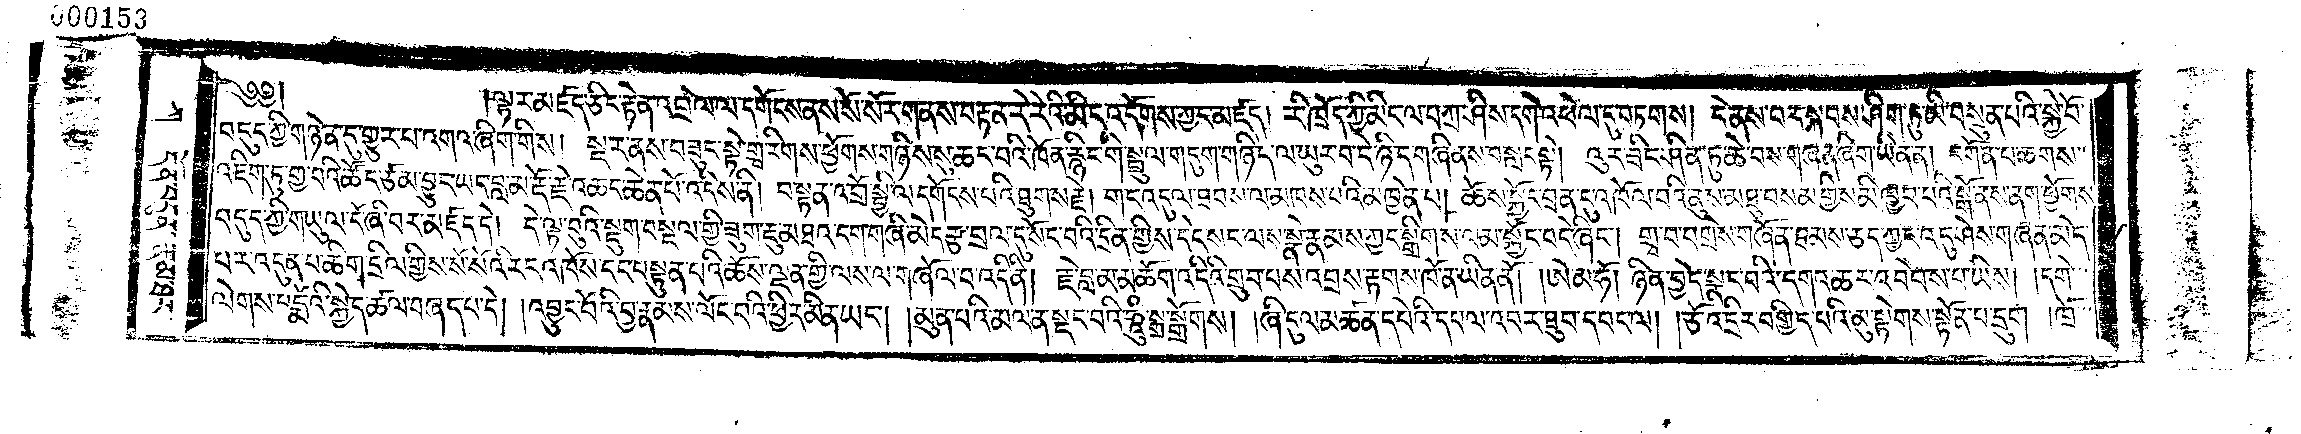༄༅། །ལྟར་མཛད་ཅིང་རྟེན་འབྲེལ་ལ་དགོངས་ནས་སོ་སོར་གནས་བརྟན་རེ་རེའི་མིང་འདོགས་ཀྱང་མཛད། རི་ཁྲོད་ཀྱི་མིང་ལ་བཀྲ་ཤིས་དགེ་འཕེལ་དུ་བཏགས། དེ་ནས་བར་སྐབས་ཤིག་ཏུ་མི་བསྲུན་པའི་སྐྱེ་བོ་
བདུད་ཀྱི་གཉེན་དུ་གྱུར་བ་འགའ་ཞིག་གིས། སྔར་ནས་བཟུང་སྟེ་གྲྭ་རིགས་ཕྱོགས་གཉིས་སུ་ཆད་པའི་ཁོན་རྙིང་གི་སྤྲུལ་གདུག་གཉིད་ལ་ཡུར་བ་དེ་ཉིད་གཞི་ནས་བསླང་སྟེ། འུར་ཟིང་ཤིན་ཏུ་ཆེ་བས་གཞན་ཞིག་ཡིན་ན། དགོན་པ་ཆགས་
འཇིག་ཏུ་གྱ་བའི་ཚོད་ཙམ་བྱུང་ཡང་བླ་མ་རྡོ་རྗེ་འཆང་ཆེན་པོ་འདིས་ནི། བསྟན་འགྲོ་སྤྱི་ལ་དགོངས་པའི་ཐུགས་རྗེ། གང་འདུལ་ཐབས་ལ་མཁས་པའི་མཁྱེན་པ། ཆོས་སྐྱོང་བྲན་དུ་འཁོལ་བའི་ནུས་མཐུ་བསམ་གྱིས་མི་ཁྱབ་པའི་སྒོ་ནས་ནག་ཕྱོགས་
བདུད་ཀྱི་གཡུལ་ངོ་ཞི་བར་མཛད་དེ། དེ་ལྟ་བུའི་སྡུག་བསྔལ་གྱི་ཟུག་རྡུ་མཐའ་དག་གཞི་མེད་རྩ་བྲལ་དུ་སོང་བའི་དྲིན་གྱིས་དེང་སང་ལས་སྣེ་རྣམས་ཀྱང་སྒྲིགས་ལམ་སྐྱོང་བདེ་ཞིང་། གྲྭ་བ་བགྲེས་གཞོན་ཐམས་ཅད་ཀྱང་འདུ་ཤེས་གཞན་མེད་
པར་འདུན་པ་ཆིག་དྲིལ་གྱིས་སོ་སོའི་རང་འཁོས་དང་བསྟུན་པའི་ཆོས་ལྡན་གྱི་ལས་ལ་གཞོལ་བ་འདི་ནི། རྗེ་བླ་མ་མཆོག་འདིའི་གྲུབ་པས་འབྲས་རྟགས་ཁོ་ན་ཡིན་ནོ། །ཨེ་མ་ཧོ། ཉིན་བྱེད་སྣང་བའི་དགའ་ཆར་འབེབས་པ་ཡིས། །དགེ་
ལེགས་པདམོའི་སྐྱེད་ཚལ་བཞད་པ་དེ། །འབྱུང་པོའི་བྱ་རྣམས་ལོང་བའི་ཕྱིར་མིན་ཡང་། །མུན་པའི་མལ་ན་སྡང་བའི་ཧཱུཾ་སྒྲ་སྒྲོགས། །ཞི་དུལ་མཚན་དཔེའི་དཔལ་འབར་ཐུབ་དབང་ལ། །ཅོ་འདྲིར་བགྱིད་པའི་མུ་སྟེགས་སྟོན་པ་དྲུག །ཁྲོ་